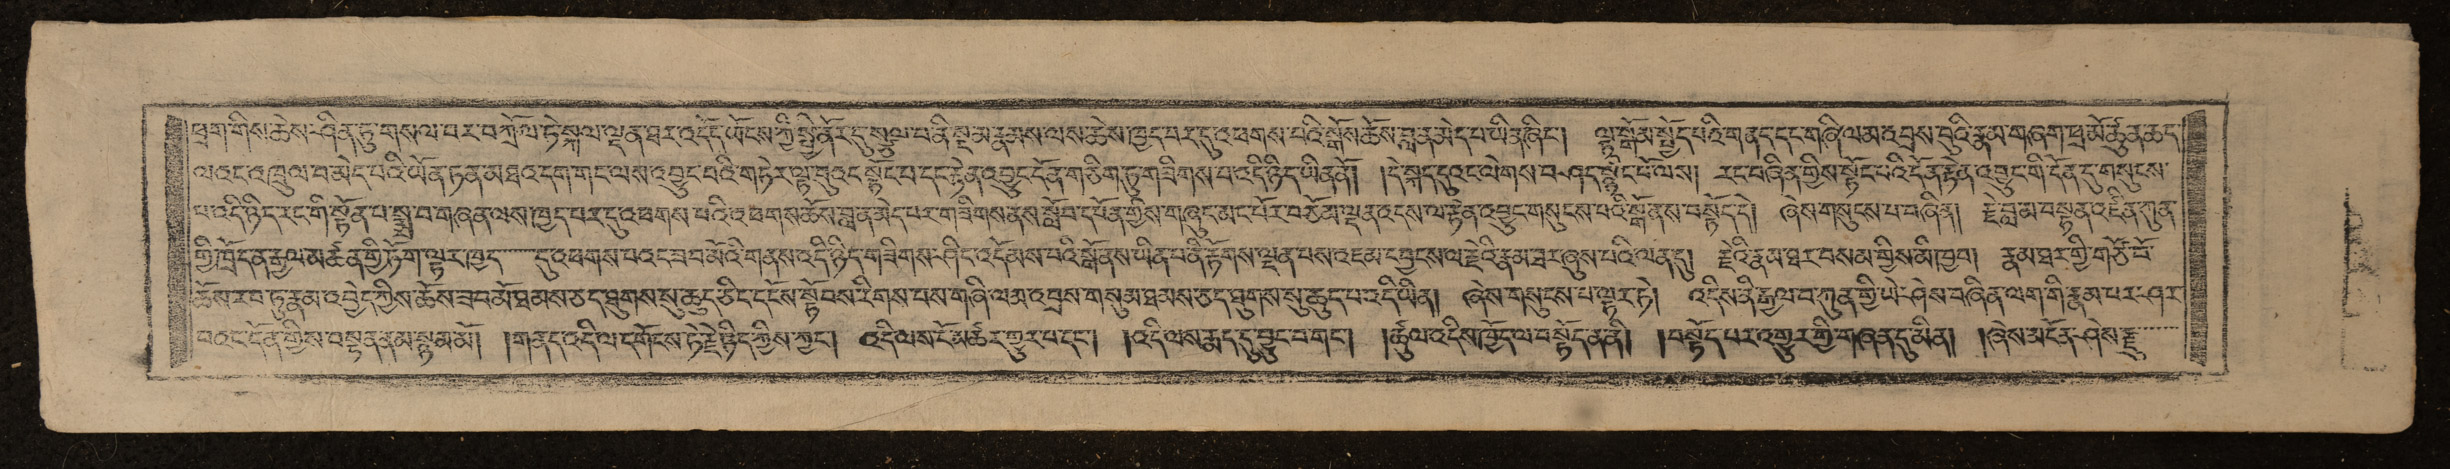ཕྲག་གིས་ཆེས་ཤིན་ཏུ་གསལ་བར་བཀྲོལ་ཏེ་སྐལ་ལྡན་ཐར་འདོད་ཡོངས་ཀྱི་སྤྱི་ནོར་དུ་སྩལ་བའི་སྔ་མ་རྣམས་ལས་ཆེས་ཁྱད་པར་དུ་འཕགས་པའི་སྒོས་ཆོས་བླ་ན་མེད་པ་ཡིན་ཞིང་། ལྟ་སྒོམ་སྤྱོད་པའི་གནས་དང་གཞི་ལམ་འབྲས་བུའི་རྣམ་གཞག་ཕྲ་མོ་ཚུན་ཆད་
ལའང་འཁྲུལ་བ་མེད་པའི་ཡོན་ཏན་མཐའ་དག་གང་ལས་འབྱུང་བའི་གཏེར་ལྟ་བུའང་སྟོང་པ་དང་རྟེན་འབྱུང་དོན་གཅིག་ཏུ་གཟིགས་པ་འདི་ཉིད་ཡིན་ནོ། །དེ་སྐད་དུའང་ལེགས་བཤད་སྙིང་པོ་ལས། རང་བཞིན་གྱིས་སྟོང་པའི་དོན་རྟེན་འབྱུང་གི་དོན་དུ་གསུངས་
པ་འདི་ཉིད་རང་གི་སྟོན་པ་སྨྲ་བ་གཞན་ལས་ཁྱད་པར་དུ་འཕགས་པའི་འཕགས་ཆོས་བླ་ན་མེད་པར་གཟིགས་ནས་སློབ་དཔོན་གྱིས་གཞུང་མང་པོར་བཅོམ་ལྡན་འདས་ལ་རྟེན་འབྱུང་གསུངས་པའི་སྒོ་ནས་བསྟོད་དེ། ཞེས་གསུངས་པ་བཞིན། རྗེ་བླ་མ་བསྟན་འཛིན་ཀུན་
གྱི་ཁྲོད་ན་རྒྱལ་མཚན་གྱི་ཏོག་ལྟར་ཁྱད་དུ་འཕགས་པའང་ཟབ་མོའི་གནས་འདི་ཉིད་གཟིགས་ཤིང་འདོམས་པའི་སྒོ་ནས་ཡིན་པ་ནི་རྟོགས་ལྡན་པས་འཇམ་དབྱངས་ལ་རྗེའི་རྣམ་ཐར་ཞུས་པའི་ལན་དུ། རྗེའི་རྣམ་ཐར་བསམ་གྱིས་མི་ཁྱབ། རྣམ་ཐར་གྱི་གཙོ་བོ་
ཆོས་རབ་ཏུ་རྣམ་འབྱེད་ཀྱིས་ཆོས་ཟབ་མོ་ཐམས་ཅད་ཐུགས་སུ་ཆུད་ཅིང་དངོས་སྟོབས་རིགས་པས་གཞི་ལམ་འབྲས་གསུམ་ཐམས་ཅད་ཐུགས་སུ་ཆུད་པ་འདི་ཡིན། ཞེས་གསུངས་པ་ལྟར་ཏེ། འདིས་ནི་རྒྱལ་བ་ཀུན་གྱི་ཡེ་ཤེས་བཞིན་ལག་གི་རྣམ་པར་ཤར་
བའང་དོན་གྱིས་བསྟན་ནམ་སྙམ་མོ། །གནད་འདི་ལ་དགོངས་ཏེ་རྗེ་ཉིད་ཀྱིས་ཀྱང་། འདི་ལས་ངོ་མཚར་གྱུར་པ་དང་། །འདི་ལས་རྨད་དུ་བྱུང་བ་གང་། །ཚུལ་འདིས་ཁྱོད་ལ་བསྟོད་ན་ནི། །བསྟོད་པར་འགྱུར་གྱི་གཞན་དུ་མིན། །ཞེས་མངོན་ཤེས་རྫུ་